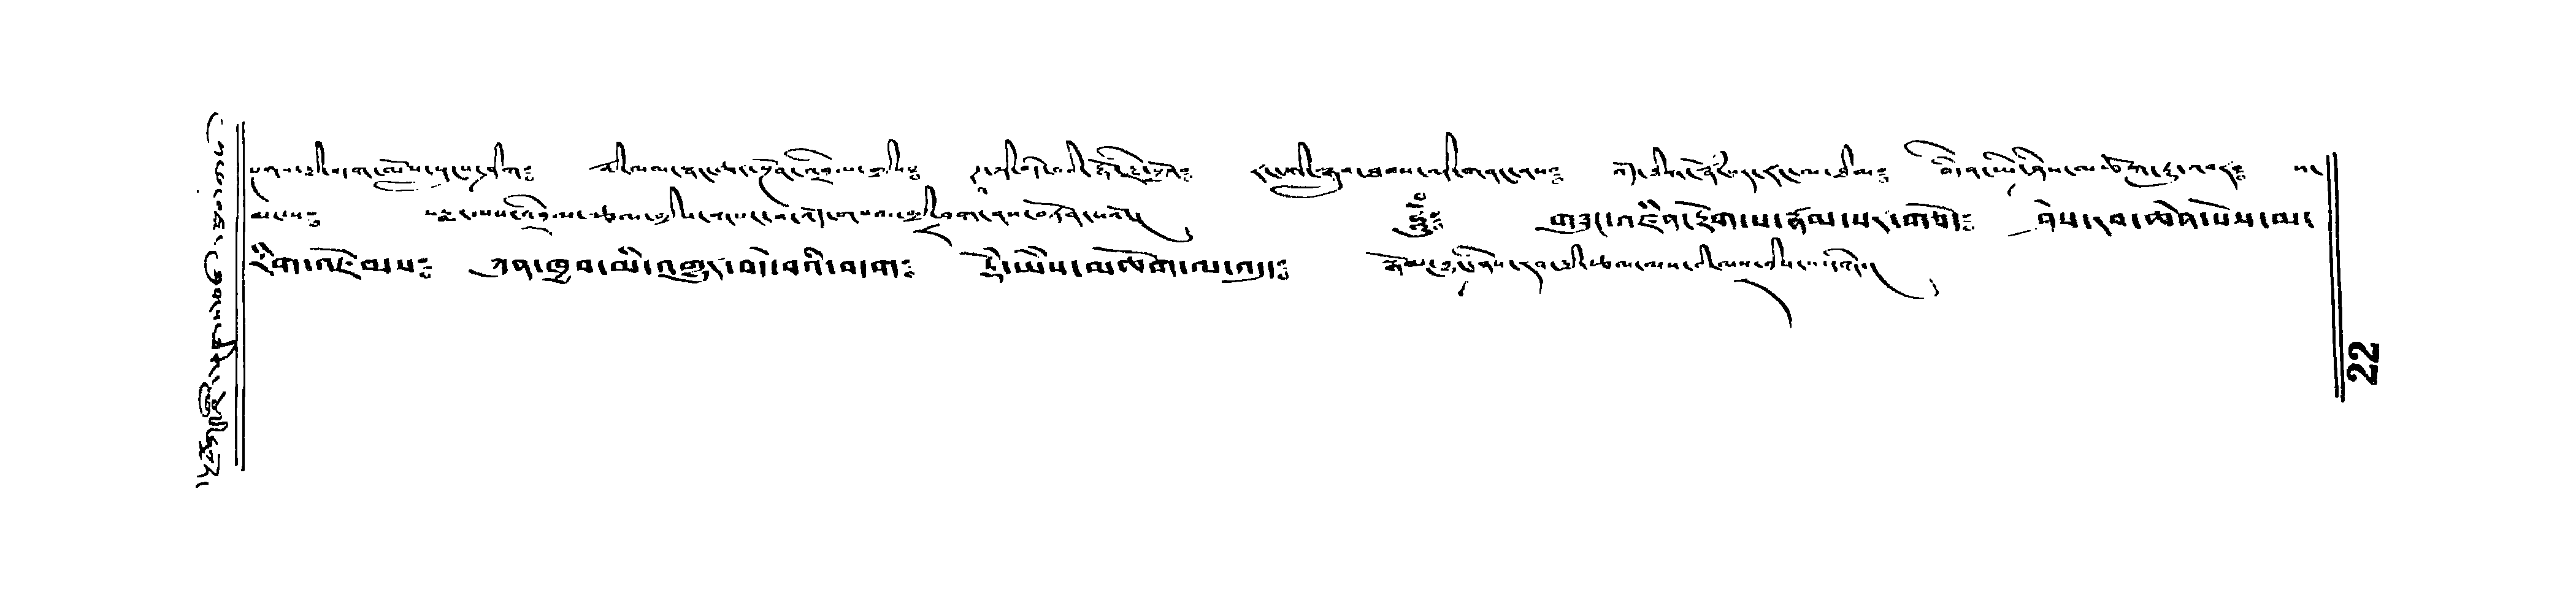སྔགས་ཀྱི་བདག་མོས་སྲུངས་ཤིག༔ རྨི་ལམ་སྣང་ཆར་སྔོན་འབྲེལ་གྱིས༔ ཌཱ་ཀི་བདེ་བའི་རྡོ་རྗེ་བྱོན༔ རང་གི་སྒྲུབ་ཐབས་འདི་གནང་ནས༔ འོད་ཐིག་རྣམ་པར་རང་ལ་ཐིམ༔ བདེ་ཆེན་ཡེ་ཤེས་མཆོག་ཏུ་འབར༔ 
ས་མ་ཡ༔ པདྨ་ལས་འབྲེལ་རྩལ་གྱིས་གསང་བ་འོད་གསལ་གྱི་བྲག་ནས་བཏོན་པའོ།། ཧཱུྃ༔ གཟུང་འཛིན་རྟོག་པ་རྣམ་པར་གཅོད༔ ཤེས་རབ་ཆེན་པོས་མ་
རིག་འཇོམས༔ཀུན་ཁྱབ་མི་འགྱུར་བདེ་བའི་བདག༔ རྡོ་རྗེ་ཡེ་ཤེས་མཆོག་ལ་འདུད༔ སྒོམ་བྱུང་ཤེས་རབ་ཀྱི་རྩལ་ལས་བི་མས་བྲིས་པ་དགེའོ།།